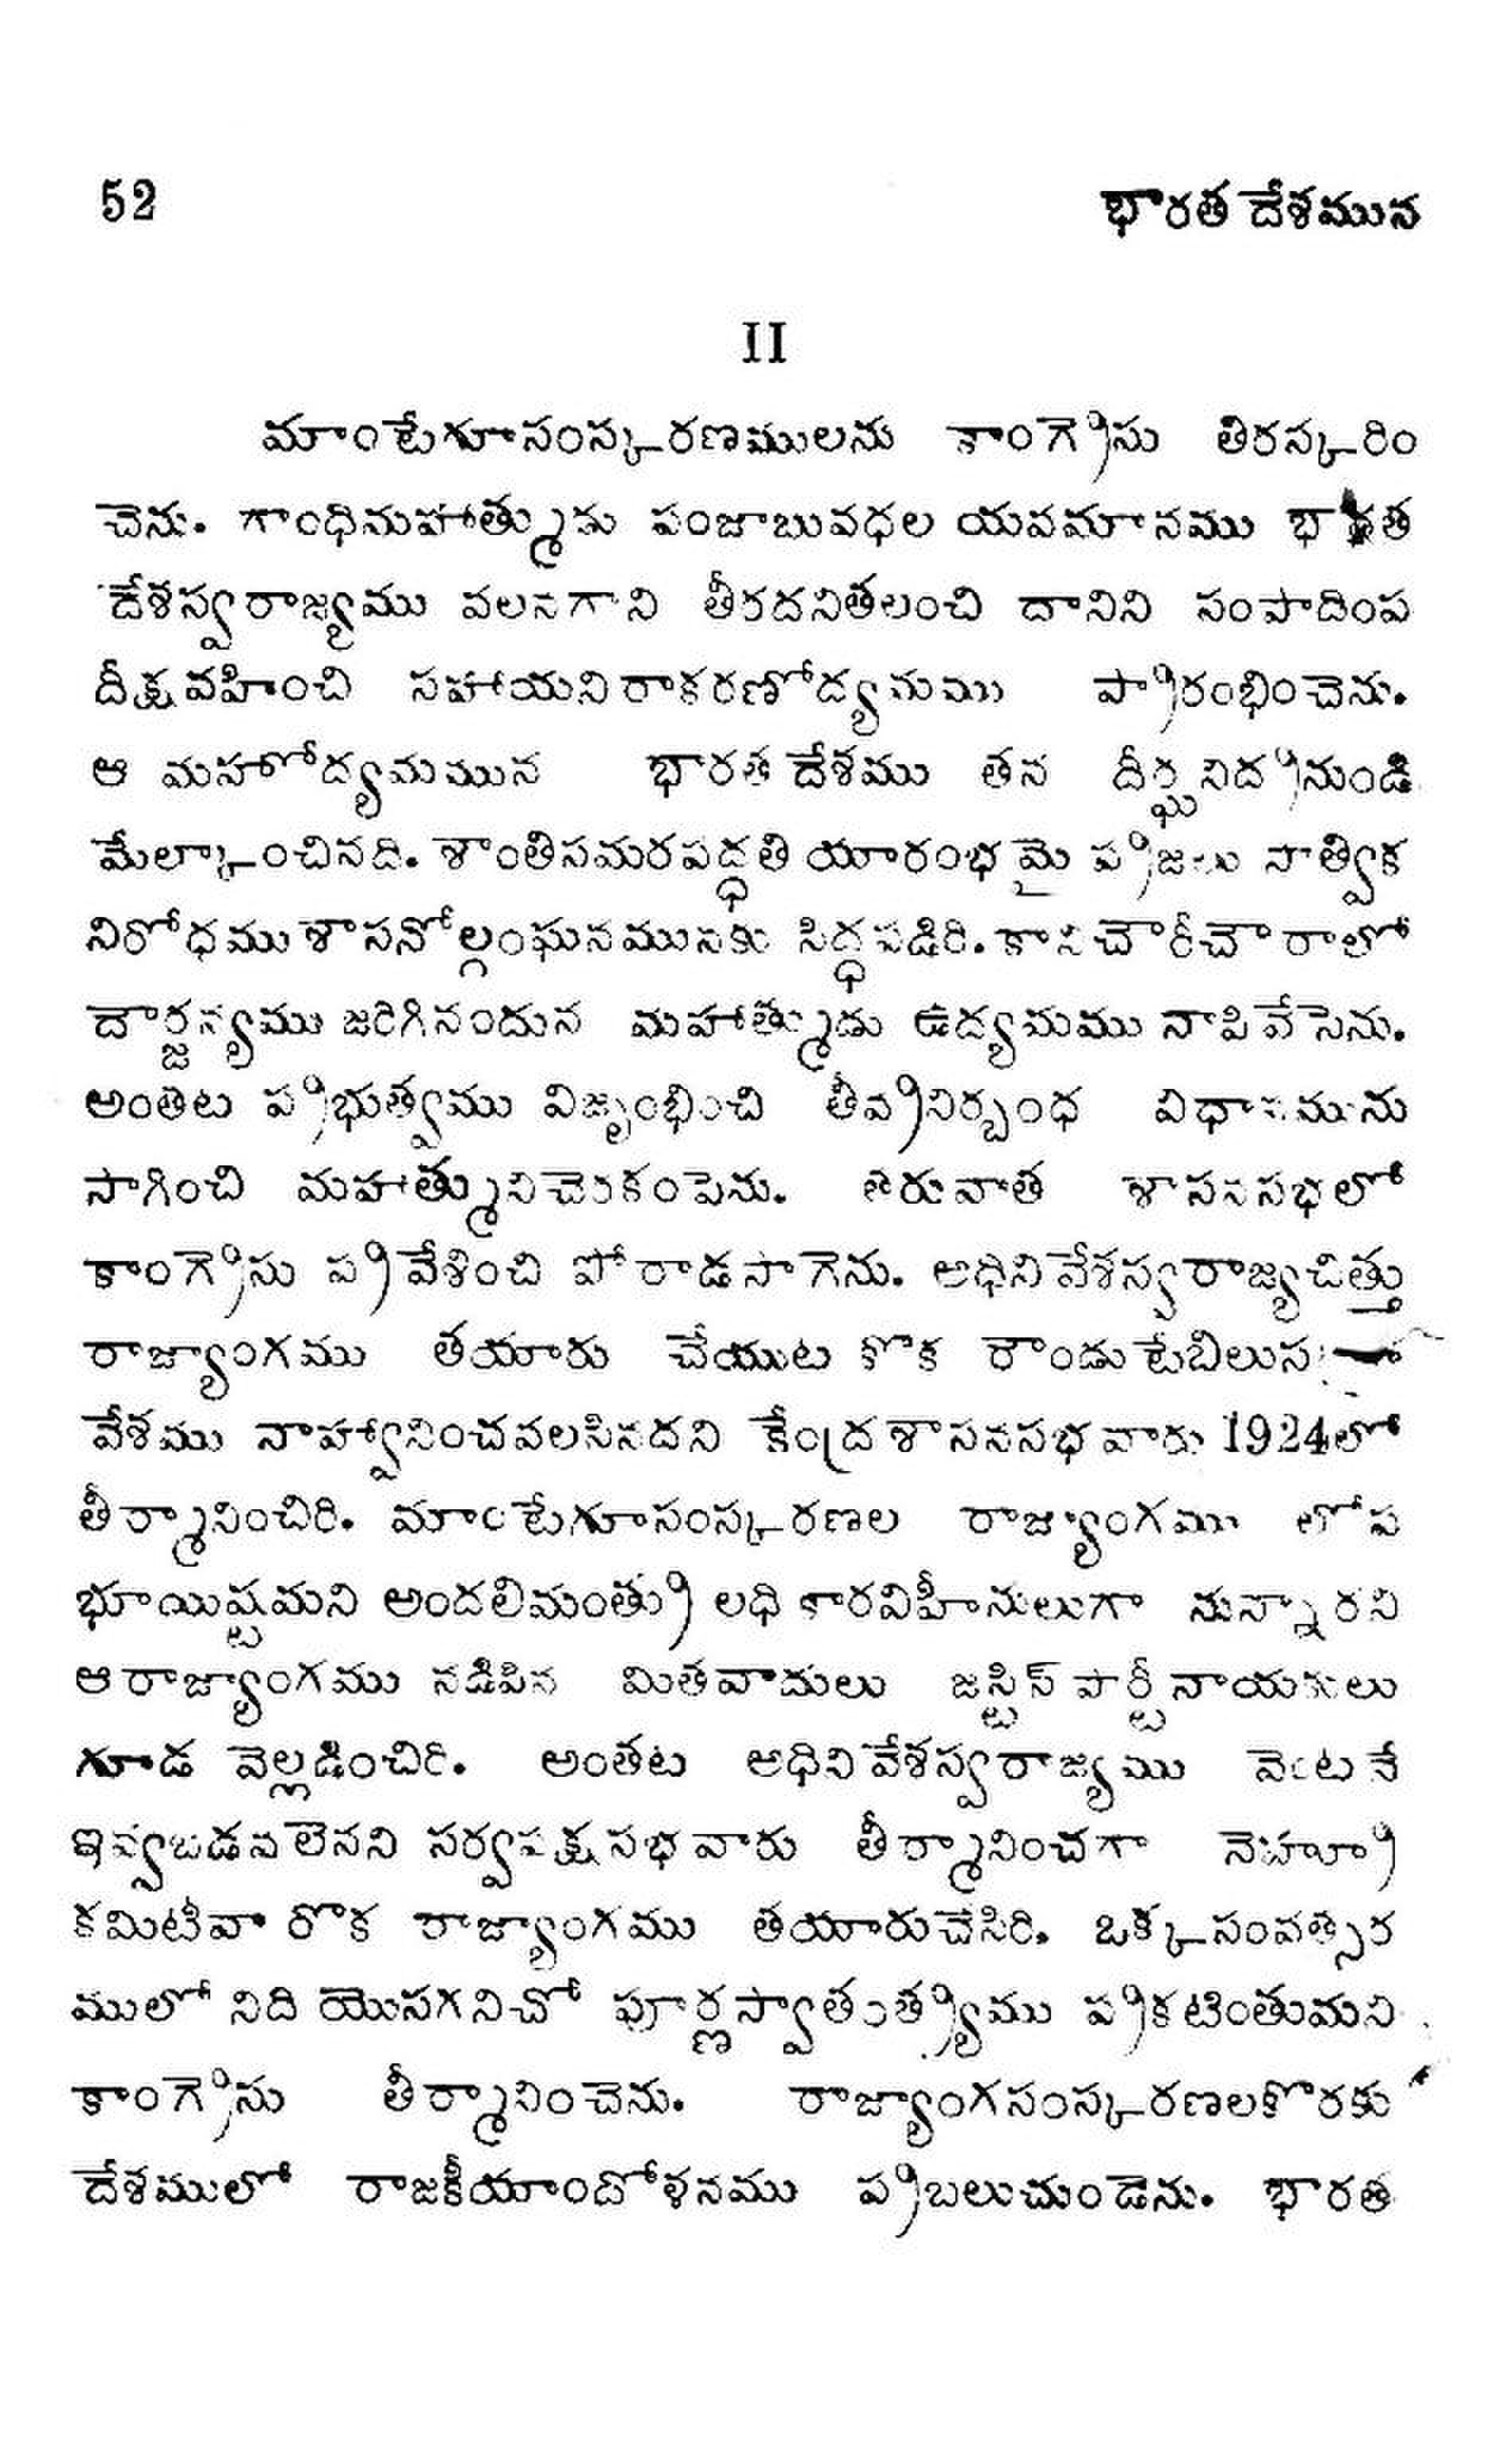II 

మాంటేగూసంస్కరణములను కాంగ్రెసు తిరస్కరించెను. గాంధిమహాత్ముడు పంజాబువధల యవమానము భారతదేశస్వరాజ్యము వలనగాని తీరదనితలంచి దానిని సంపాదింప దీక్షవహించి సహాయనిరాకరణోద్యమము ప్రారంభించెను. ఆ మహోద్యమమున భారతదేశము తన దీర్ఘనిద్రనుండి మేల్కాంచినది. శాంతిసమరపద్ధతి యారంభమై ప్రజలు సాత్వికనిరోధము శాసనోల్లంఘనమునకు సిధ్ధపడిరి. కాని చౌరీచౌరాలో దౌర్జన్యము జరిగినందున మహాత్ముడు ఉద్యమము నాపివేసెను. అంతట ప్రభుత్వము విజృంభించి తీవ్రనిర్బంధ విధానమును సాగించి మహాత్మునిచెరకంపెను. తరువాత శాసనసభలో కాంగ్రెసు ప్రవేశించి పోరాడసాగెను. ఆధినివేశస్వరాజ్యచిత్తు రాజ్యాంగము తయారు చేయుట కొక రౌండుటేబిలుసమావేశము నాహ్వానించవలసినదని కేంద్రశాసనసభవారు 1924లో తీర్మానించిరి. మాంటేగూసంస్కరణల రాజ్యంగము లోప భూయిష్టమని అందలిమంత్రు లధికారవిహీనులుగా నున్నారని ఆ రాజ్యాంగము నడిపిన మితవాదులు జస్టిస్‌పార్టీ నాయకులు గూడ వెల్లడించిరి. అంతట ఆధినివేశస్వరాజ్యము వెంటనే ఇవ్వబడవలెనని సర్వపక్షసభవారు తీర్మానించగా నెహ్రూ కమిటీవారొక రాజ్యాంగము తయారుచేసిరి. ఒక్క సంవత్సరములో నిది యొసగనిచో పూర్ణస్వాతంత్ర్యము ప్రకటింతుమని కాంగ్రెసు తీర్మానించెను. రాజ్యాంగసంస్కరణలకొరకు దేశములో రాజకీయాందోళనము ప్రబలుచుండెను. భారత